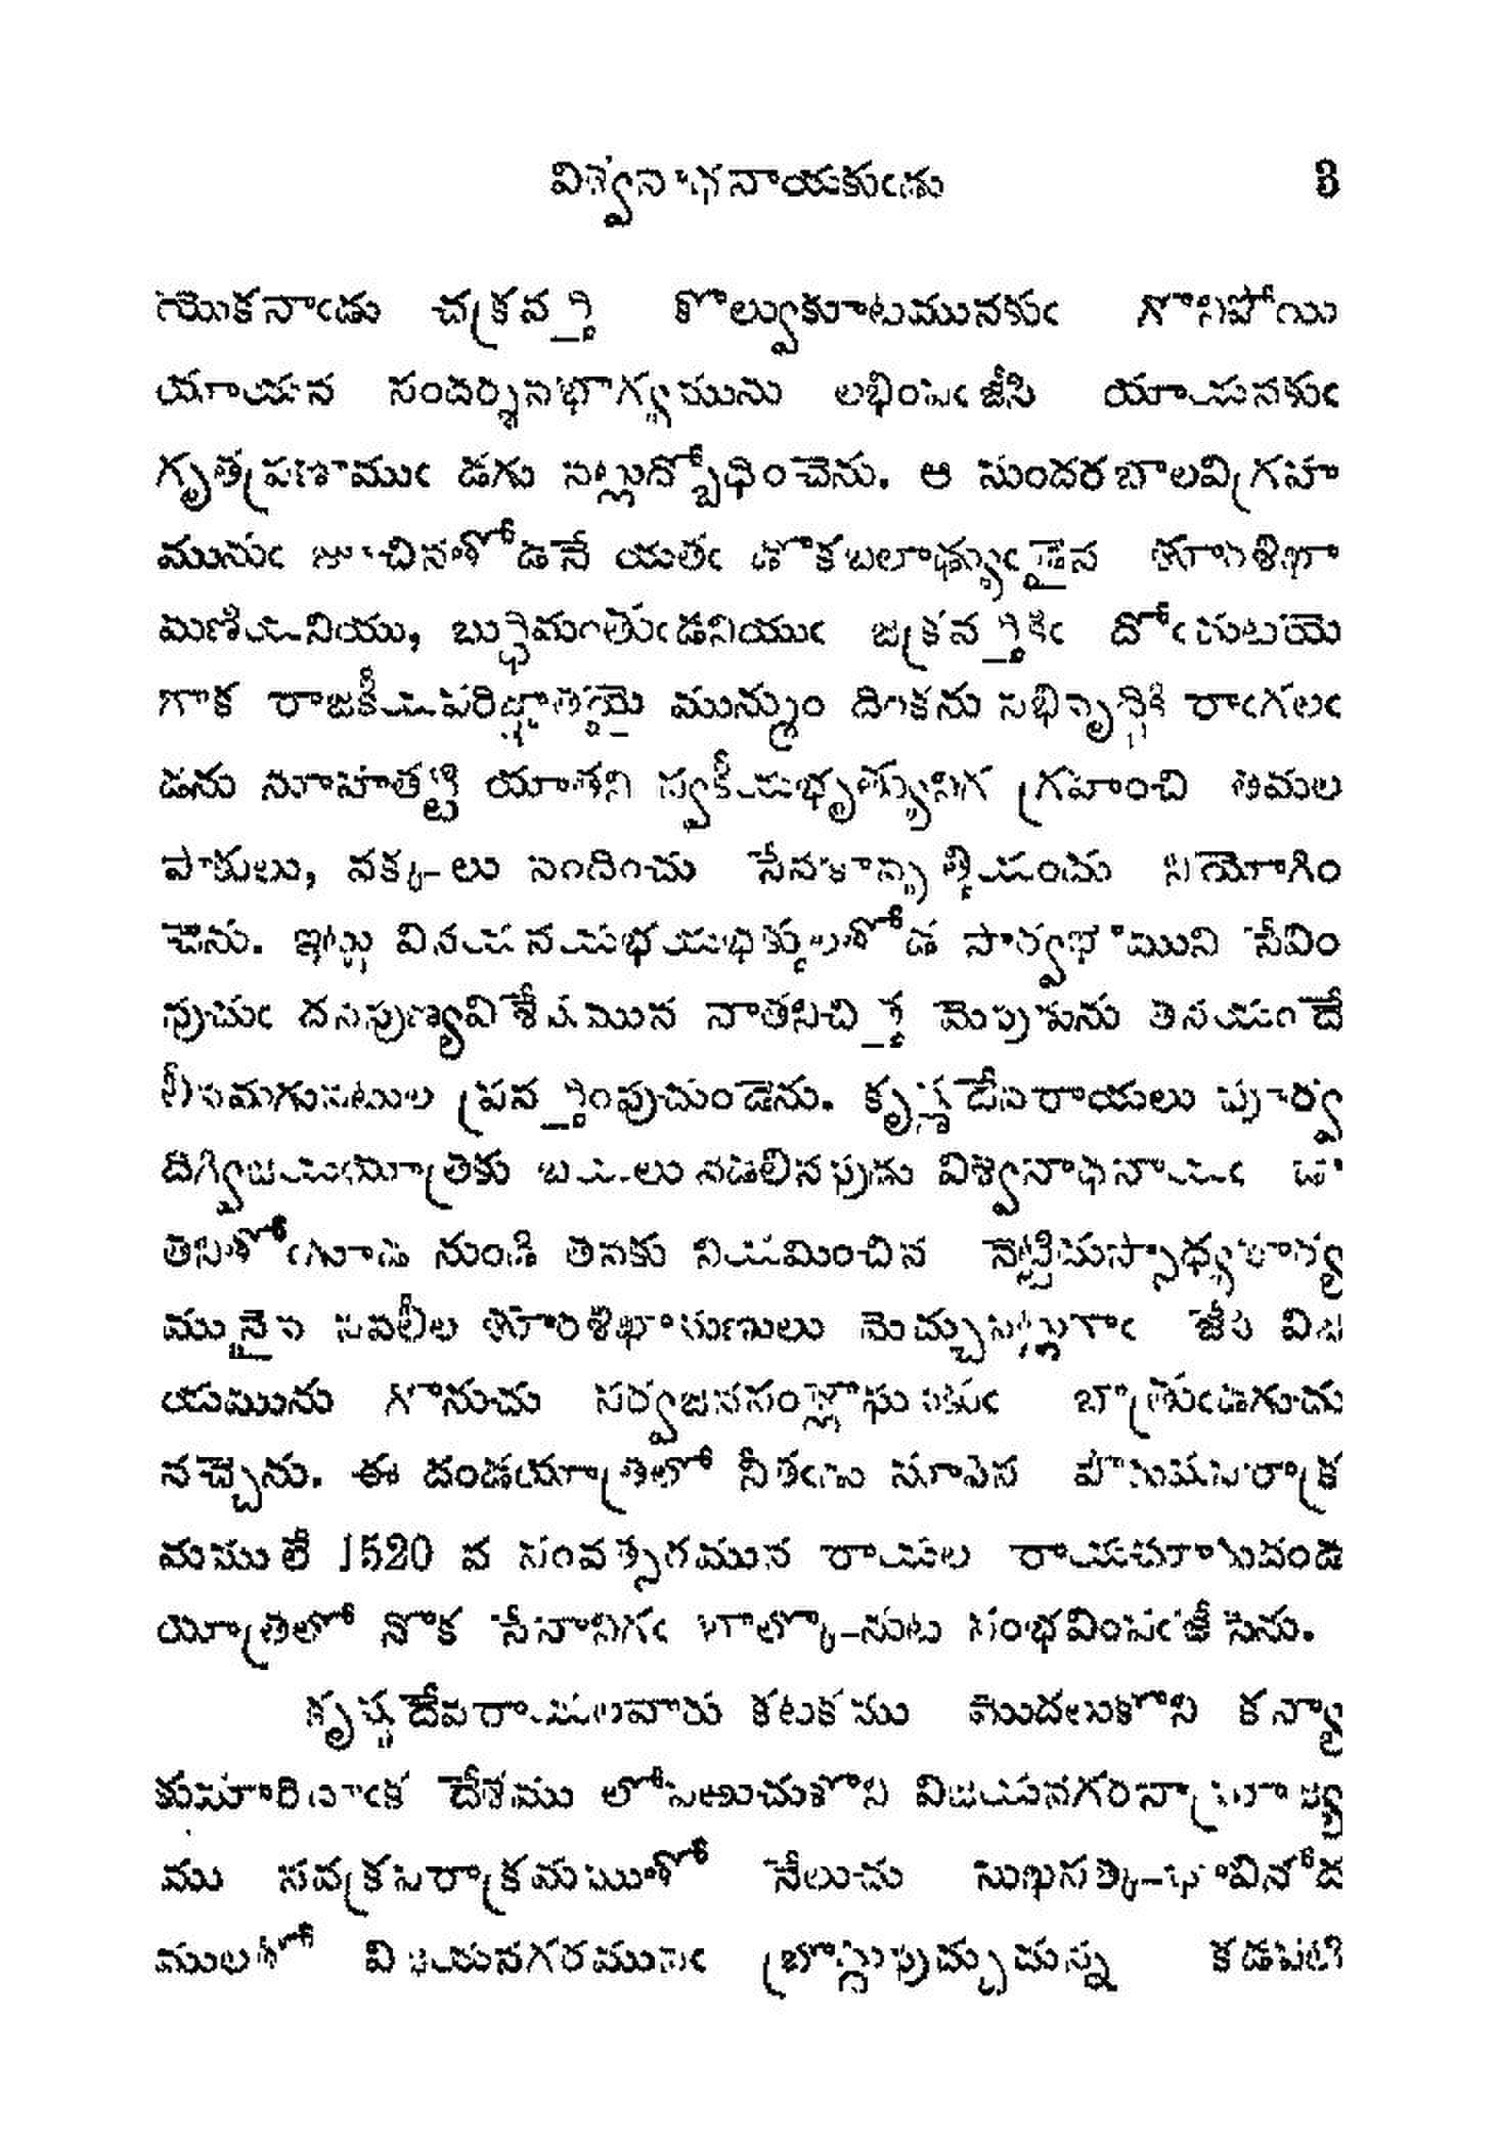యొకనాఁడు చక్రవర్తి కొల్వుకూటమునకుఁ గొనిపోయి యాయన సందర్శనభాగ్యమును లభింపఁజేసి యాయనకుఁ గృతప్రణాముఁ డగు నట్లుద్భోధించెను. ఆ సుందరబాలవిగ్రహమునుఁ జూచినతోడనే యతఁ డొకబలాఢ్యుఁడైన శూరశిఖామణియనియు, బుద్ధిమంతుఁడనియుఁ జక్రవర్తికిఁ దోఁచుటయె గాక రాజకీయపరిజ్ఞాతయై మున్ముం దింకను నభివృద్ధికి రాఁగలఁడను నూహతట్టి యాతని స్వకీయభృత్యునిగ గ్రహించి తమలపాకులు, వక్కలు నందించు సేవకావృత్తియందు నియోగించెను. ఇట్లు వినయనయభయభక్తులతోడ సార్వభౌముని సేవింపుచుఁ దనపుణ్యవిశేషమున నాతనిచిత్త మెపుడును తనయందే లీనమగునటుల ప్రవర్తింపుచుండెను. కృష్ణదేవరాయలు పూర్వ దిగ్విజయయాత్రకు బయలు వెడలినపుడు విశ్వనాథనాయఁ డాతనితోఁగూడ నుండి తనకు నియమించిన నెట్టిదుస్సాధ్యకార్యమునైన నవలీల శూరశిఖామణులు మెచ్చునట్లుగాఁ జేసి విజయమును గొనుచు సర్వజనసంశ్లాఘనకుఁ బాత్రుఁడగుచు వచ్చెను. ఈ దండయాత్రలో నీతఁడు సూపిన పౌరుషపరాక్రమములే 1520 వ సంవత్సరమున రాయల రాయచూరుదండయాత్రలో నొక సేనానిగఁ బాల్కొనుట సంభవింపఁజేసెను.

కృష్ణదేవరాయలవారు కటకము మొదలుకొని కన్యాకుమారిదాఁక దేశము లోపఱుచుకొని విజయనగరసామ్రాజ్యము నవక్రపరాక్రమముతో నేలుచు సుఖసత్కధావినోదములతో విజయనగరమునఁ బ్రొద్దుపుచ్చుచున్న కడపటి